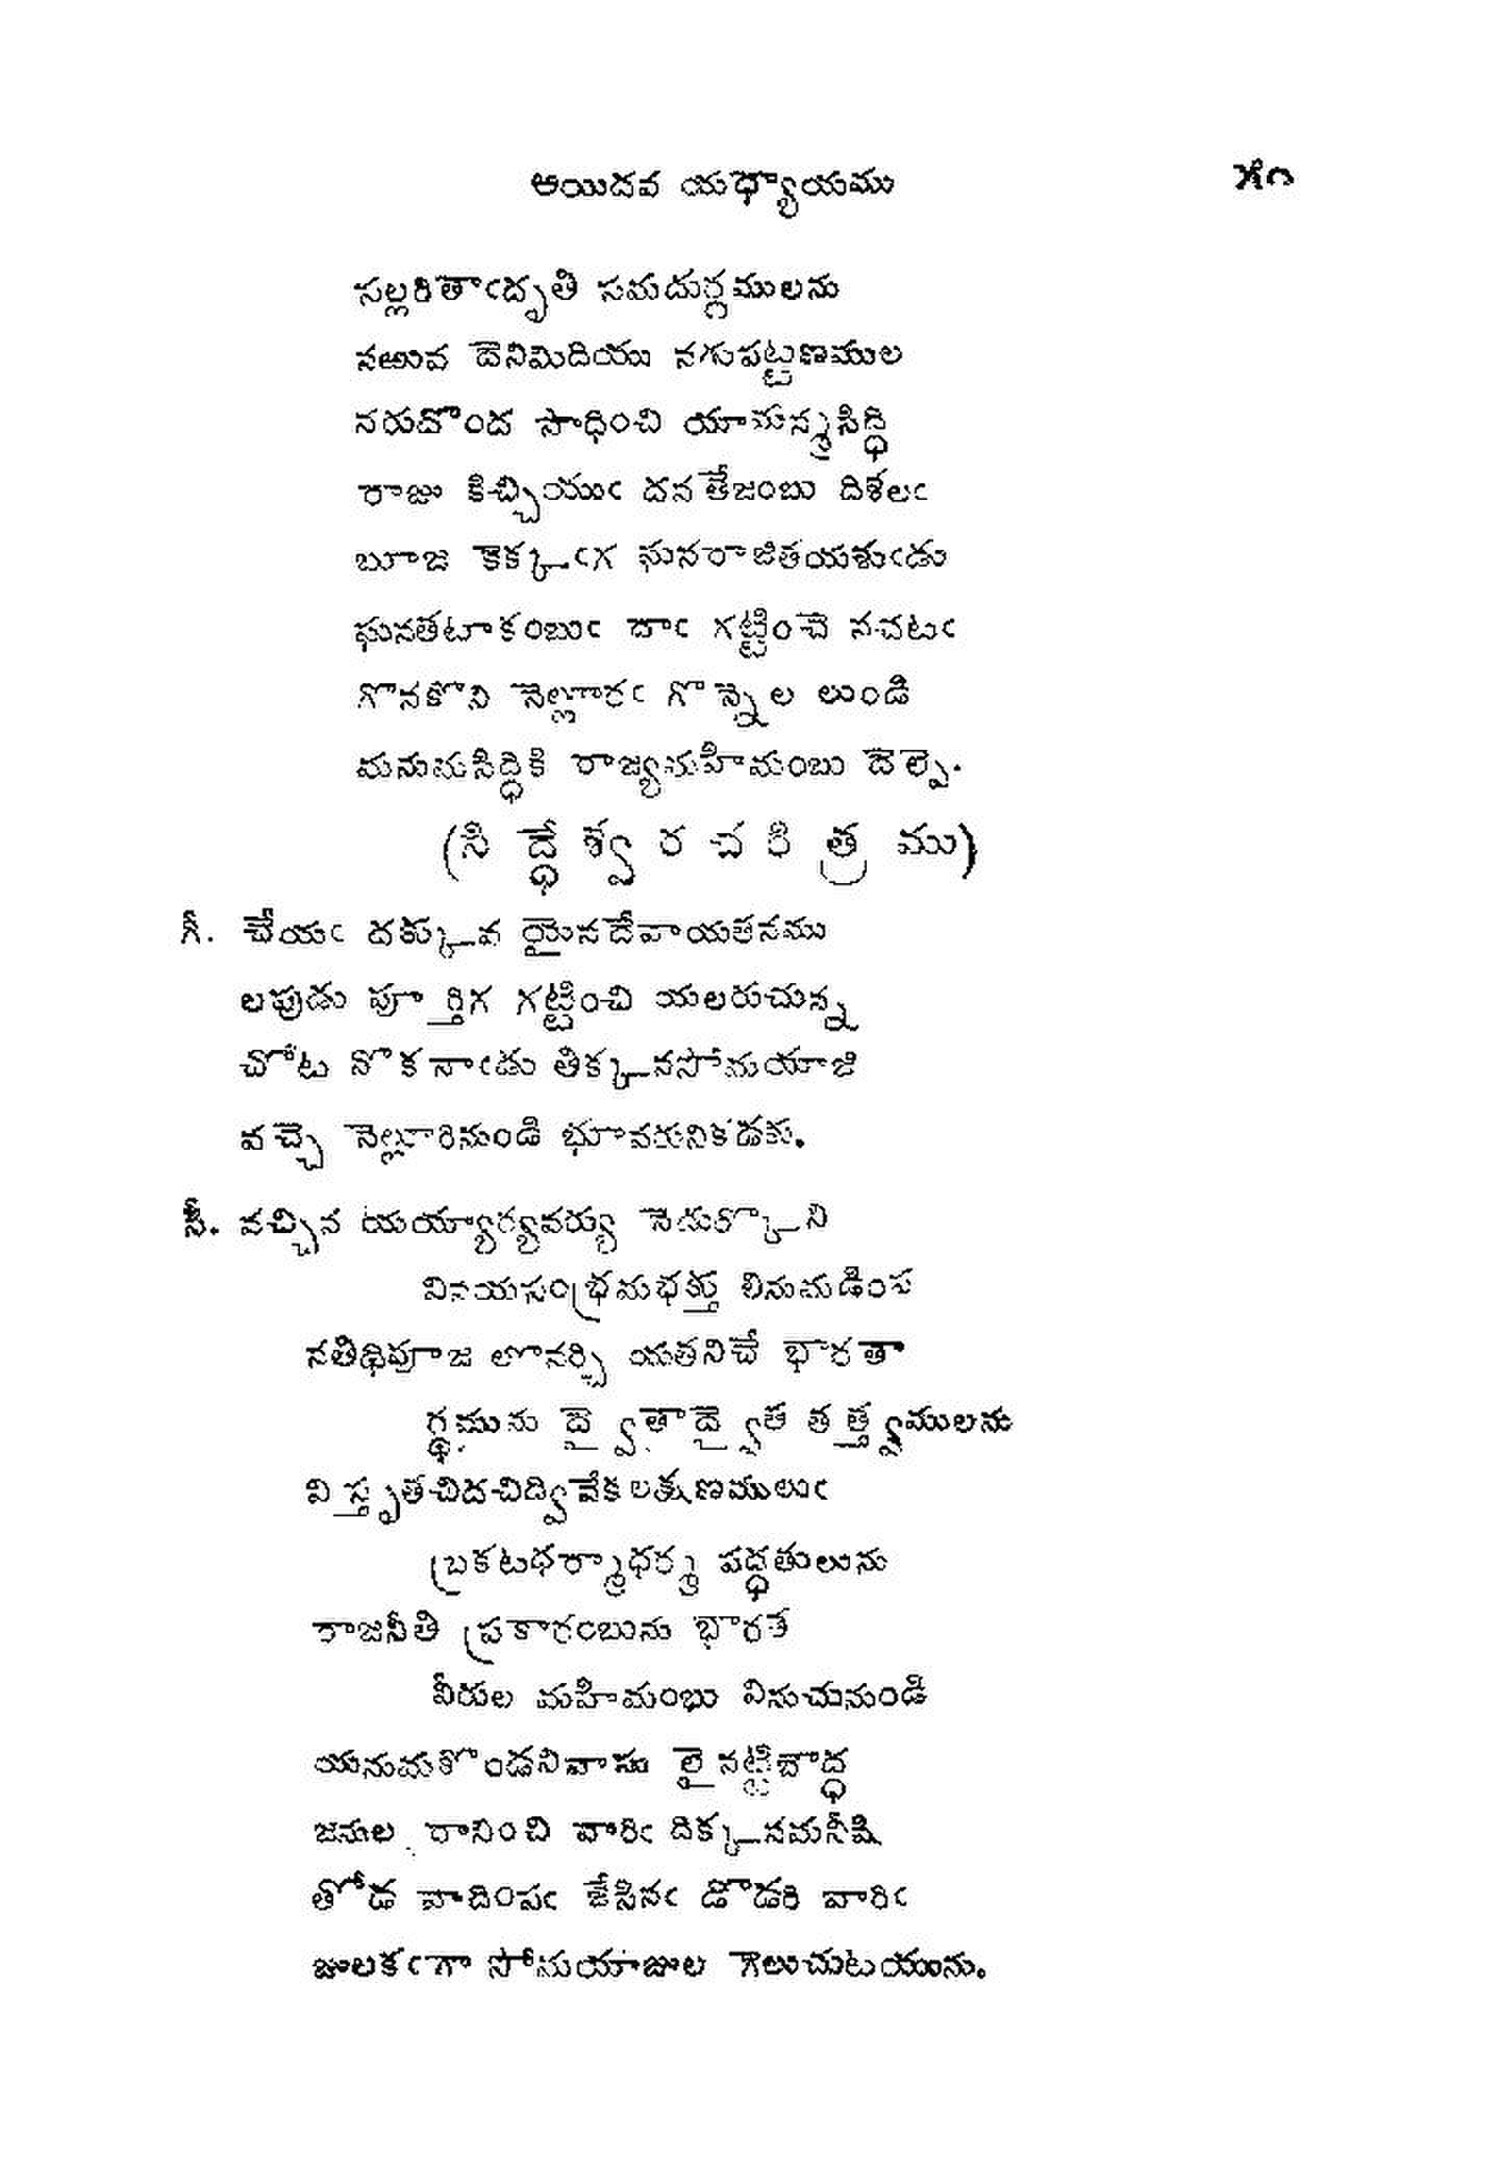సల్లరితాఁదృతి సమదుర్గములను 
 నఱువ దెనిమిదియు నగుపట్టణముల 
 నరుదొంద సాధించి యామన్మసిద్ధి 
 రాజు కిచ్చియుఁ దనతేజంబు దిశలఁ 
 బూజ కెక్కఁగ ఘనరాజితయశుఁడు 
 ఘనతటాకంబుఁ దాఁ గట్టించె నచటఁ 
 గొనకొని నెల్లూరఁ గొన్నెల లుండి 
 మనుమసిద్ధికి రాజ్యమహిమంబు దెల్పె.
(సిద్దేశ్వర చరిత్రము)

గీ. చేయఁ దక్కువ యైనదేవాయతనము
 లపుడు పూర్తిగ గట్టించి యలరుచున్న 
 చోట నొకనాఁడు తిక్కనసోమయాజి 
 వచ్చె నెల్లూరినుండి భూవరునికిడకు. 

సీ. వచ్చిన యయ్యార్యవర్యు నెదుర్కొని
 వినయసంభ్రమభక్తు లినుమడింప 
 సతిథిపూజ లొనర్చి యతనిచే భారతా
 ర్థమును ద్వైతాద్వైత తత్త్వములను 
 విస్తృతచిదచిద్వివేకలక్షణములుఁ
 బ్రకటధర్మాధర్మ పద్ధతులును 
 రాజనీతి ప్రకారంబును భారత
 వీరుల మహిమంబు వినుచునుండి 

 యనుమకొండనివాసు లైనట్టి బౌద్ధ 
 జనుల రానించి వారిఁ దిక్కనమనీషి 
 తోడ వాదింపఁ జేసినఁ దొడరి వారిఁ 
 జులకఁగా సోమయాజుల గెలుచుటయును.